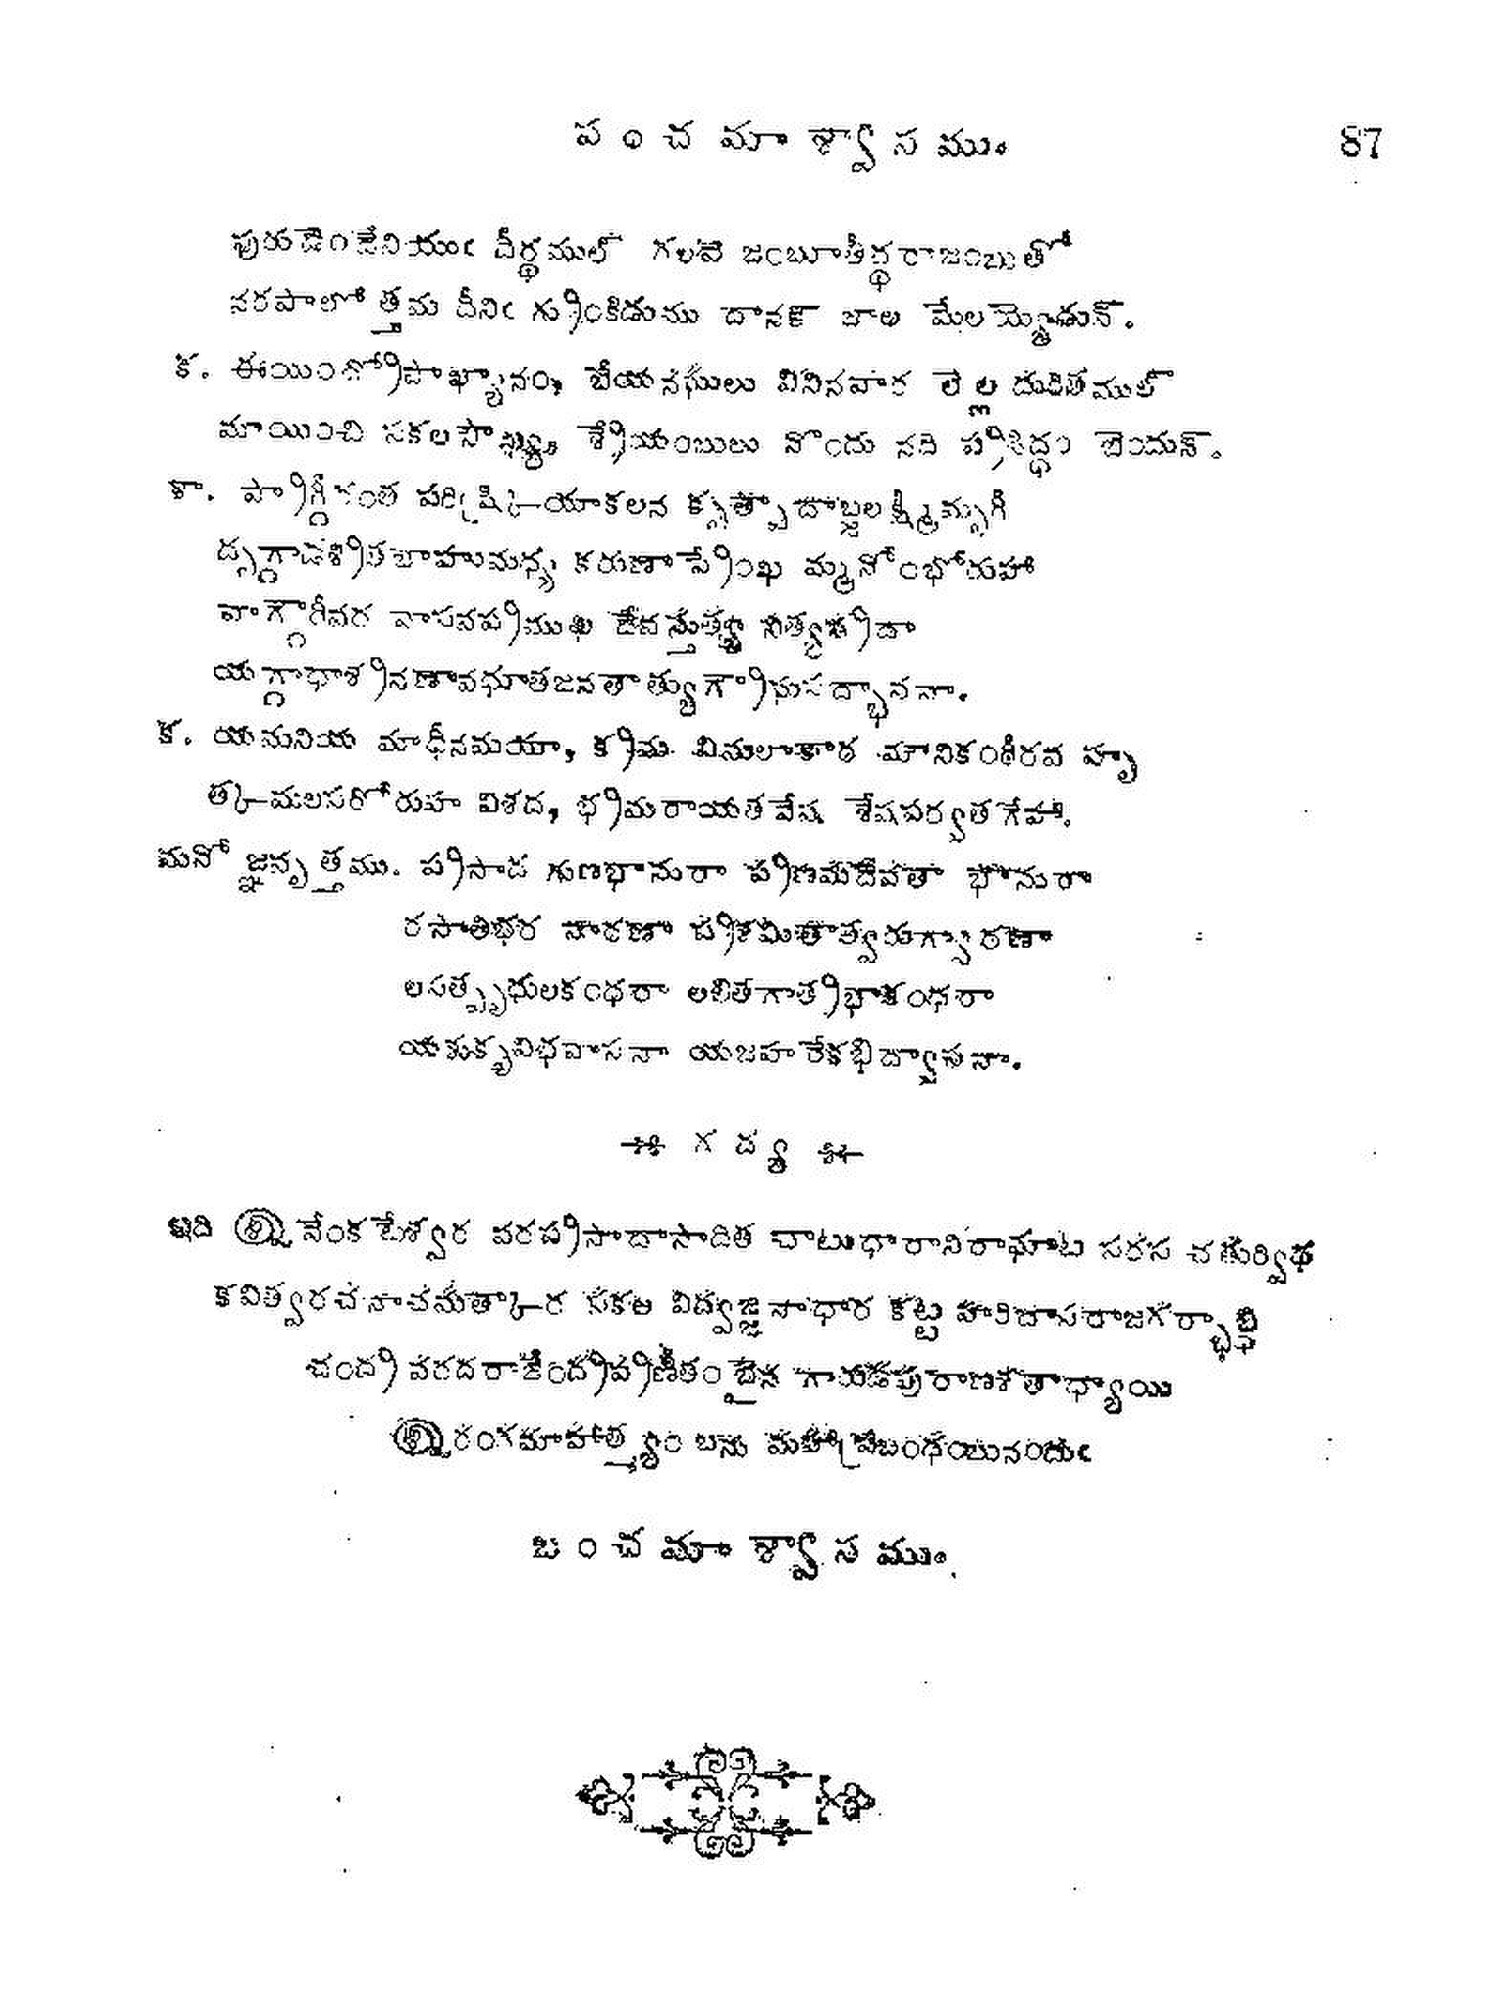పురుడెందేనియుఁ దీర్థముల్ గలవె జంబూతీర్థరాజంబుతో
 నరపాలోత్తమ దీనిఁ గ్రుంకిడుము దానన్ జాల మేలయ్యెడున్.
క. ఈయింద్రోపాఖ్యానం, బేయనఘులు వినినవార లెల్ల దురితముల్
 మాయించి సకలసౌఖ్య, శ్రేయంబులు నొందు నది ప్రసిద్ధం బెందున్.
శా. ప్రాగ్గీరంత పరిష్క్రియాకలన కృత్పాదాబ్జలక్ష్మీమృగీ
 దృగ్గాడశ్రితబాహుమధ్య కరుణాప్రేంఖ మ్మనోంభోరుహా
 వాగ్గౌరీవర వాసవప్రముఖ దేవస్తుత్య సత్యప్రదా
 యగ్గాథాశ్రవణావధూతజనతాత్యుగ్రౌఘుసద్భాననా.
క. యమనియ మాధీనమయా, క్రమ విమలాకార మౌనికంఠీరవ హృ
 త్కమలసరోరుహ విశద, భ్రమరాయతవేష శేషపర్వతగేహా.
మనోజ్ఞ. ప్రసాద గుణభాసురా ప్రణమదేవతా భానురా
 రసాతిభర వారణా ప్రశామితాత్వరుగ్వారణా
 లసత్పృథులకంధరా లలితగాత్రభాకంధరా
 యశుకృవిభవాసనా యజహరేకభిద్వాసనా.